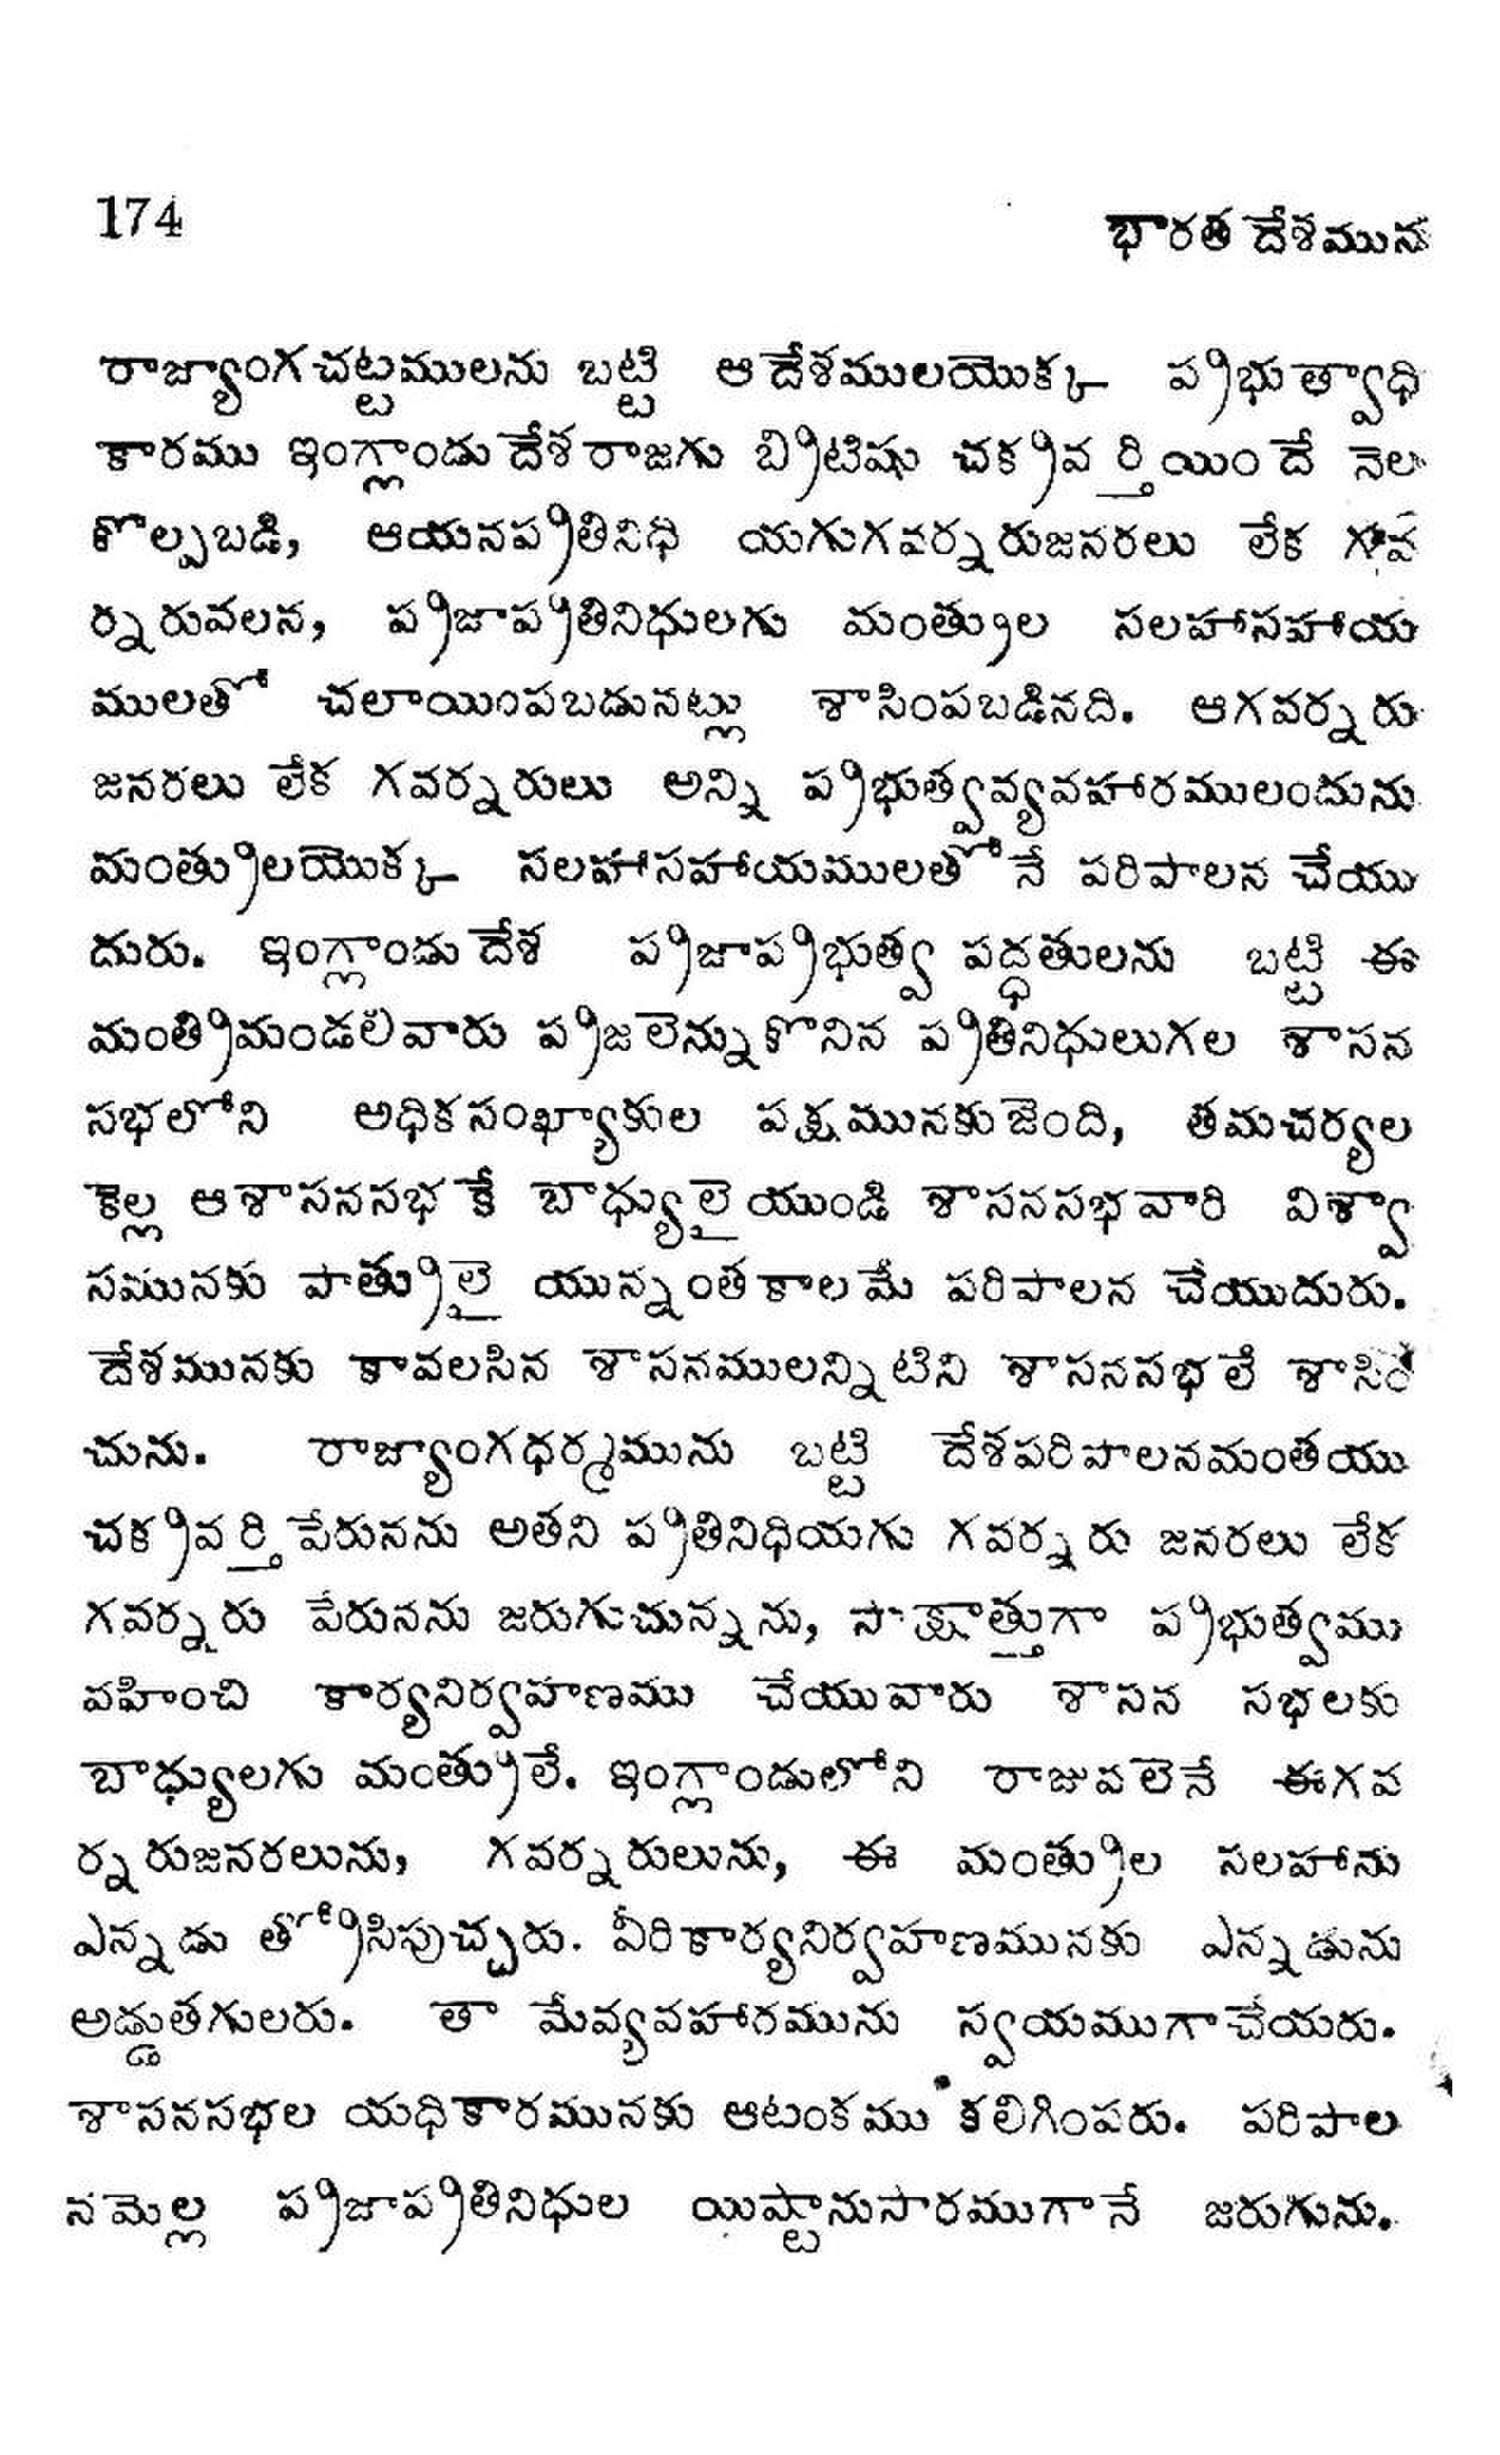రాజ్యాంగచట్టములను బట్టి ఆదేశములయొక్క ప్రభుత్వాధికారము ఇంగ్లాండుదేశరాజగు బ్రిటిషు చక్రవర్తియందే నెలకొల్పబడి, ఆయనప్రతినిధి యగుగవర్నరుజనరలు లేక గవర్నరువలన, ప్రజాప్రతినిధులగు మంత్రుల సలహాసహాయములతో చలాయింపబడునట్లు శాసింపబడినది. ఆగవర్నరుజనరలు లేక గవర్నరులు అన్ని ప్రభుత్వవ్యవహారములందును. మంత్రులయొక్క సలహాసహాయములతోనే పరిపాలన చేయుదురు. ఇంగ్లాండుదేశ ప్రజాప్రభుత్వపద్ధతులను బట్టి ఈ మంత్రిమండలివారు ప్రజలెన్నుకొనిన ప్రతినిధులుగల శాసనసభలోని అధికసంఖ్యాకుల పక్షమునకుజెంది, తమచర్యలకెల్ల ఆశాసనసభకే బాధ్యులైయుండి శాసనసభవారి విశ్యాసమునకు పాత్రులై యున్నంతకాలమే పరిపాలన చేయుదురు. దేశమునకు కావలసిన శాసనములన్నిటిని శాసనసభలే శాసించును. రాజ్యాంగధర్మమును బట్టి దేశపరిపాలనమంతయు చక్రవర్తిపేరునను అతని ప్రతినిధియగు గవర్నరు జనరలు లేక గవర్నరు పేరునను జరుగుచున్నను, సాక్షాత్తుగా ప్రభుత్వము వహించి కార్యనిర్వహణము చేయువారు శాసన సభలకు బాధ్యులగు మంత్రులే. ఇంగ్లాండులోని రాజువలెనే ఈగవర్నరుజనరలును, గవర్నరులును, ఈ మంత్రుల సలహాను ఎన్నడు త్రోసిపుచ్చరు. వీరికార్యనిర్వహణమునకు ఎన్నడును అడ్డుతగులరు. తా మేవ్యవహారమును స్వయముగాచేయరు. శాసనసభల యధికారమునకు ఆటంకము కలిగింపరు. పరిపాలనమెల్ల ప్రజాప్రతినిధుల యిష్టానుసారముగానే జరుగును.